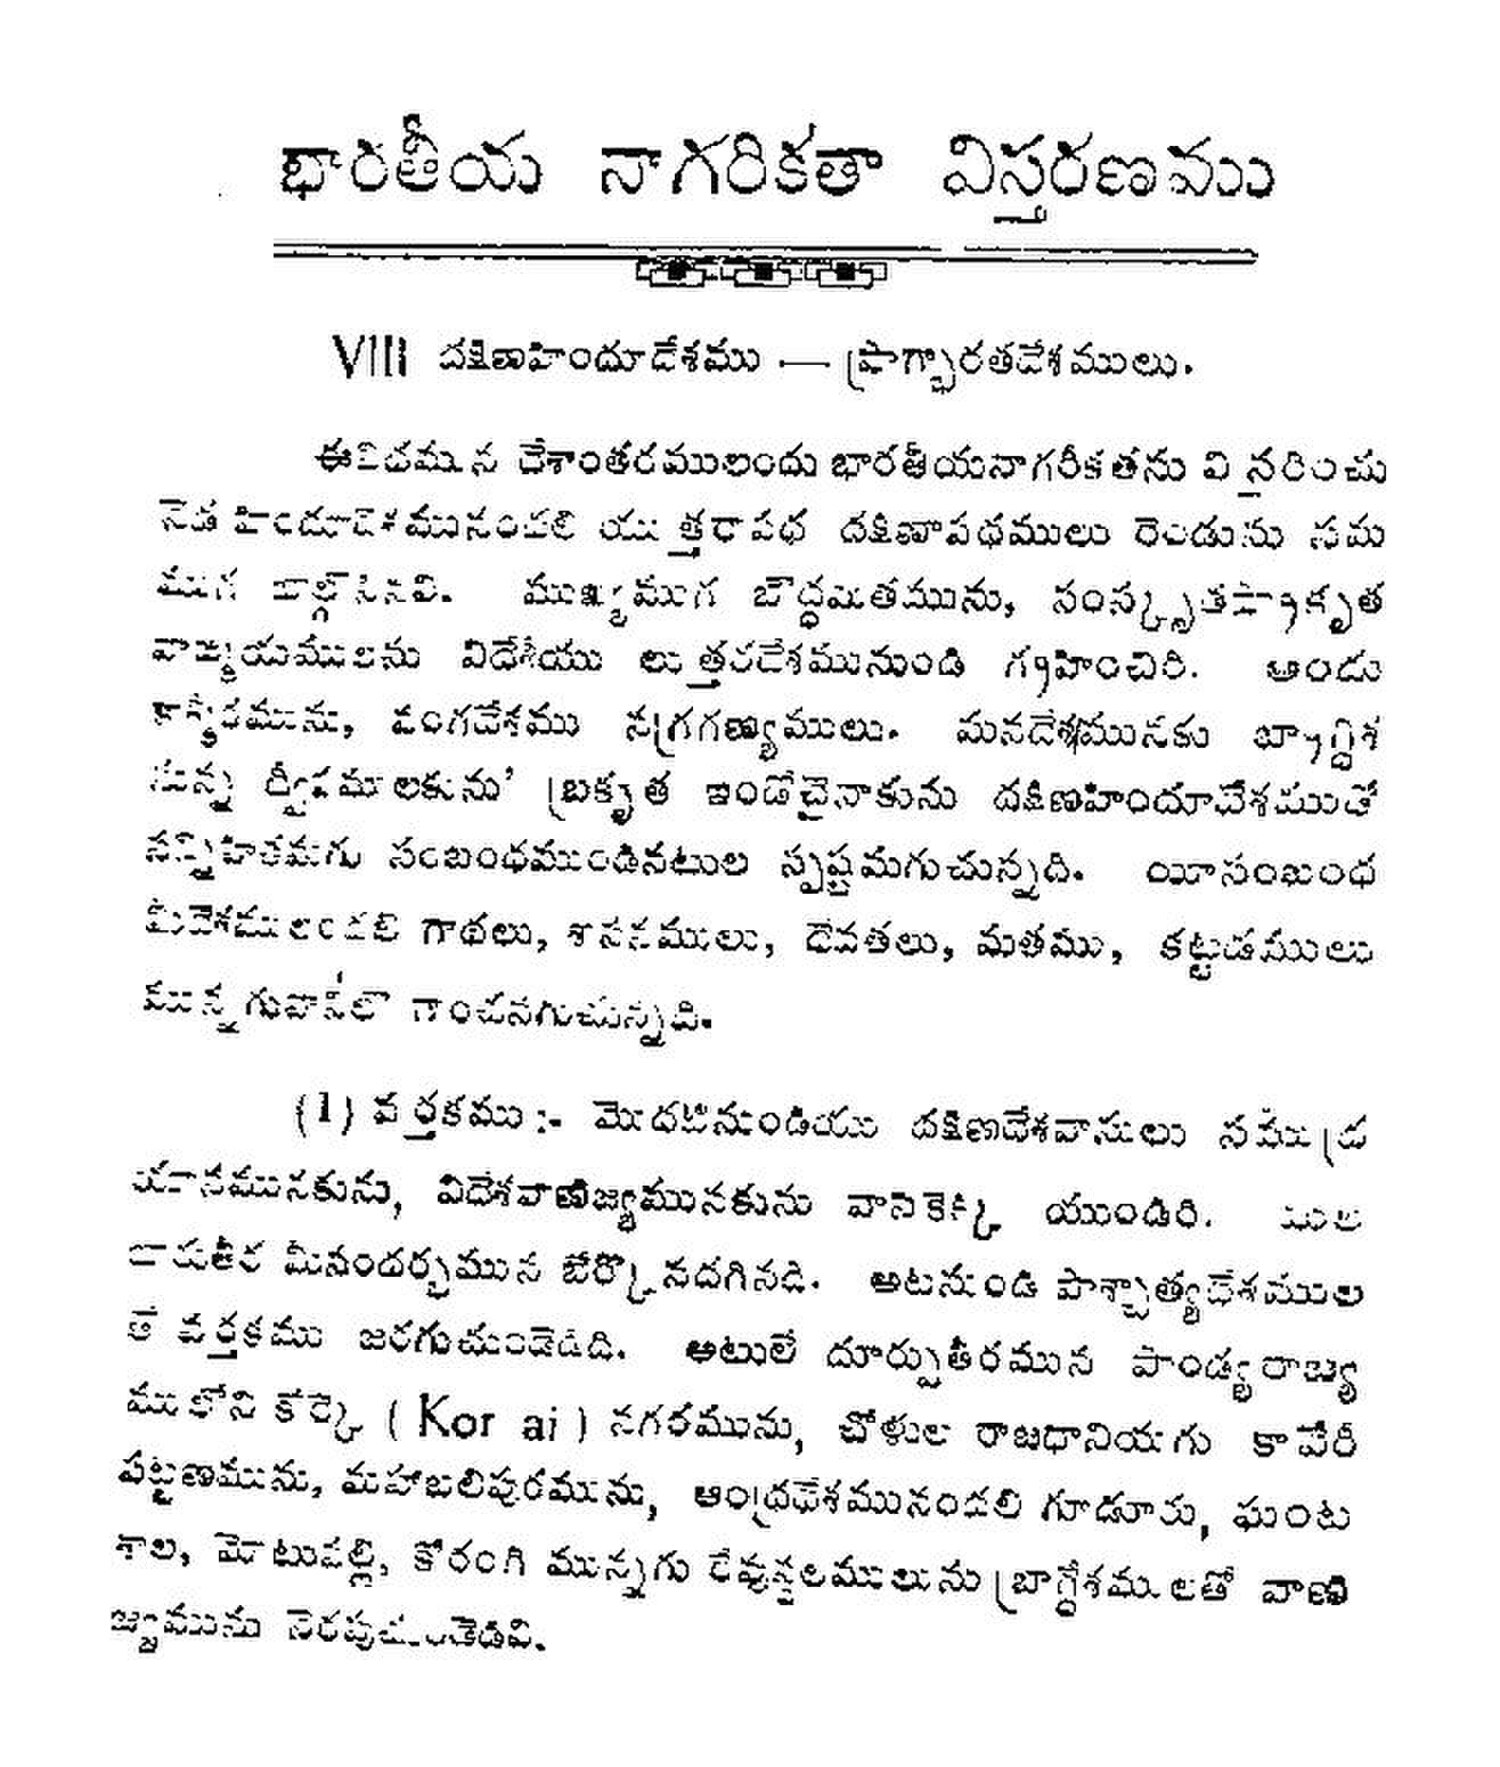ఈవిధమున దేశాంతరములందు భారతీయనాగరికతను విస్తరించు నెడ హిందూదేశమునందలి యుత్తరాపధ దక్షిణాపధములు రెండును సమముగ బాల్గొనినవి. ముఖ్యముగ బౌద్దమతమును, సంస్కృతప్రాకృత వాఙ్మయములను విదేశీయు లుత్తరదేశమునుండి గ్రహించిరి. అందు కాశ్మీరమును, వంగదేశము నగ్రగణ్యములు. మనదేశమునకు బ్రాగ్దిశ నున్న ద్వీపములకును బ్రకృత ఇండోచైనాకును దక్షిణహిందూదేశముతో సన్నిహితమగు సంబంధముండినటుల స్పష్టమగుచున్నది. యీసంబంధ మీదేశములందలి గాథలు, శాసనములు, దేవతలు, మతము, కట్టడములు మున్నగువానిలో గాంచనగుచున్నది.

(1) వర్తకము :- మొదటినుండియు దక్షిణదేశవాసులు సముద్రయానమునకును, విదేశవాణిజ్యమునకును వాసికెక్కి యుండిరి. మలబారుతీర మీసందర్భమున బేర్కొనదగినది. అటనుండి పాశ్చాత్యదేశములతో వర్తకము జరుగుచుండెడిది. అటులే దూర్పుతీరమున పాండ్యరాజ్యములోని కోర్కె (Kor ai) నగరమును, చోళుల రాజధానియగు కావేరీ పట్టణమును, మహాబలిపురమును, ఆంధ్రదేశమునందలి గూడూరు, ఘంటశాల, మోటుపల్లి, కోరంగి మున్నగు రేవుస్థలములును బ్రాగ్దేశములతో వాణిజ్యమును నెరపుచుండెడివి.